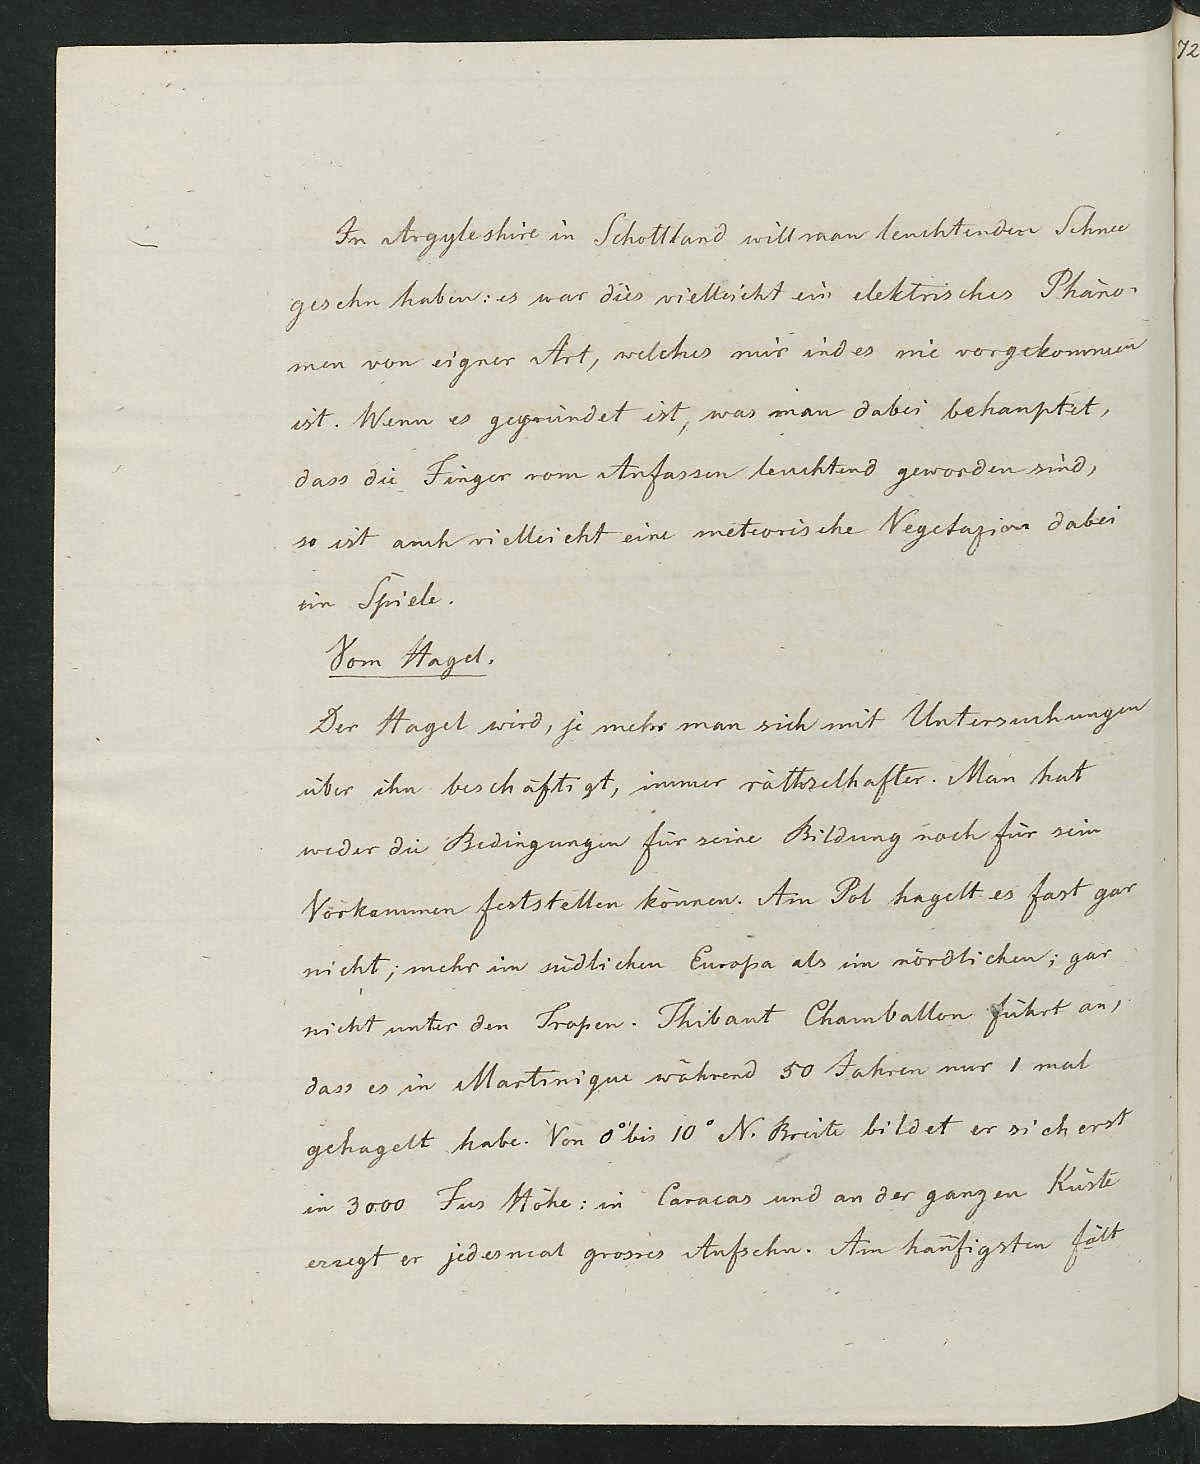In Argyleshire in Schottland will man leuchtenden Schnee
gesehn haben: es war dies vielleicht ein elektrisches Phäno-
men von eigner Art, welches mir indes nie vorgekommen
ist. Wenn es gegründet ist, was man dabei behauptet,
dass die Finger vom Anfassen leuchtend geworden sind,
so ist auch vielleicht eine meteorische Vegetazion dabei
im Spiele.
Vom Hagel.
Der Hagel wird, je mehr man sich mit Untersuchungen
über ihn beschäftigt, immer räthselhafter. Man hat
weder die Bedingungen für seine Bildung noch für sein
Vorkommen feststellen können. Am Pol hagelt es fast gar
nicht; mehr im südlichen Europa als im nördlichen; gar
nicht unter den Tropen. Thibaut Chamballon führt an,
dass es in Martinique während 50 Jahren nur 1 mal
gehagelt habe. Von 0° bis 10° N. N.-Breite bildet er sich erst
in 3000 Fus Höhe: in Caracas und an der ganzen Küste
erregt er jedesmal grosses Aufsehn. Am häufigsten fält